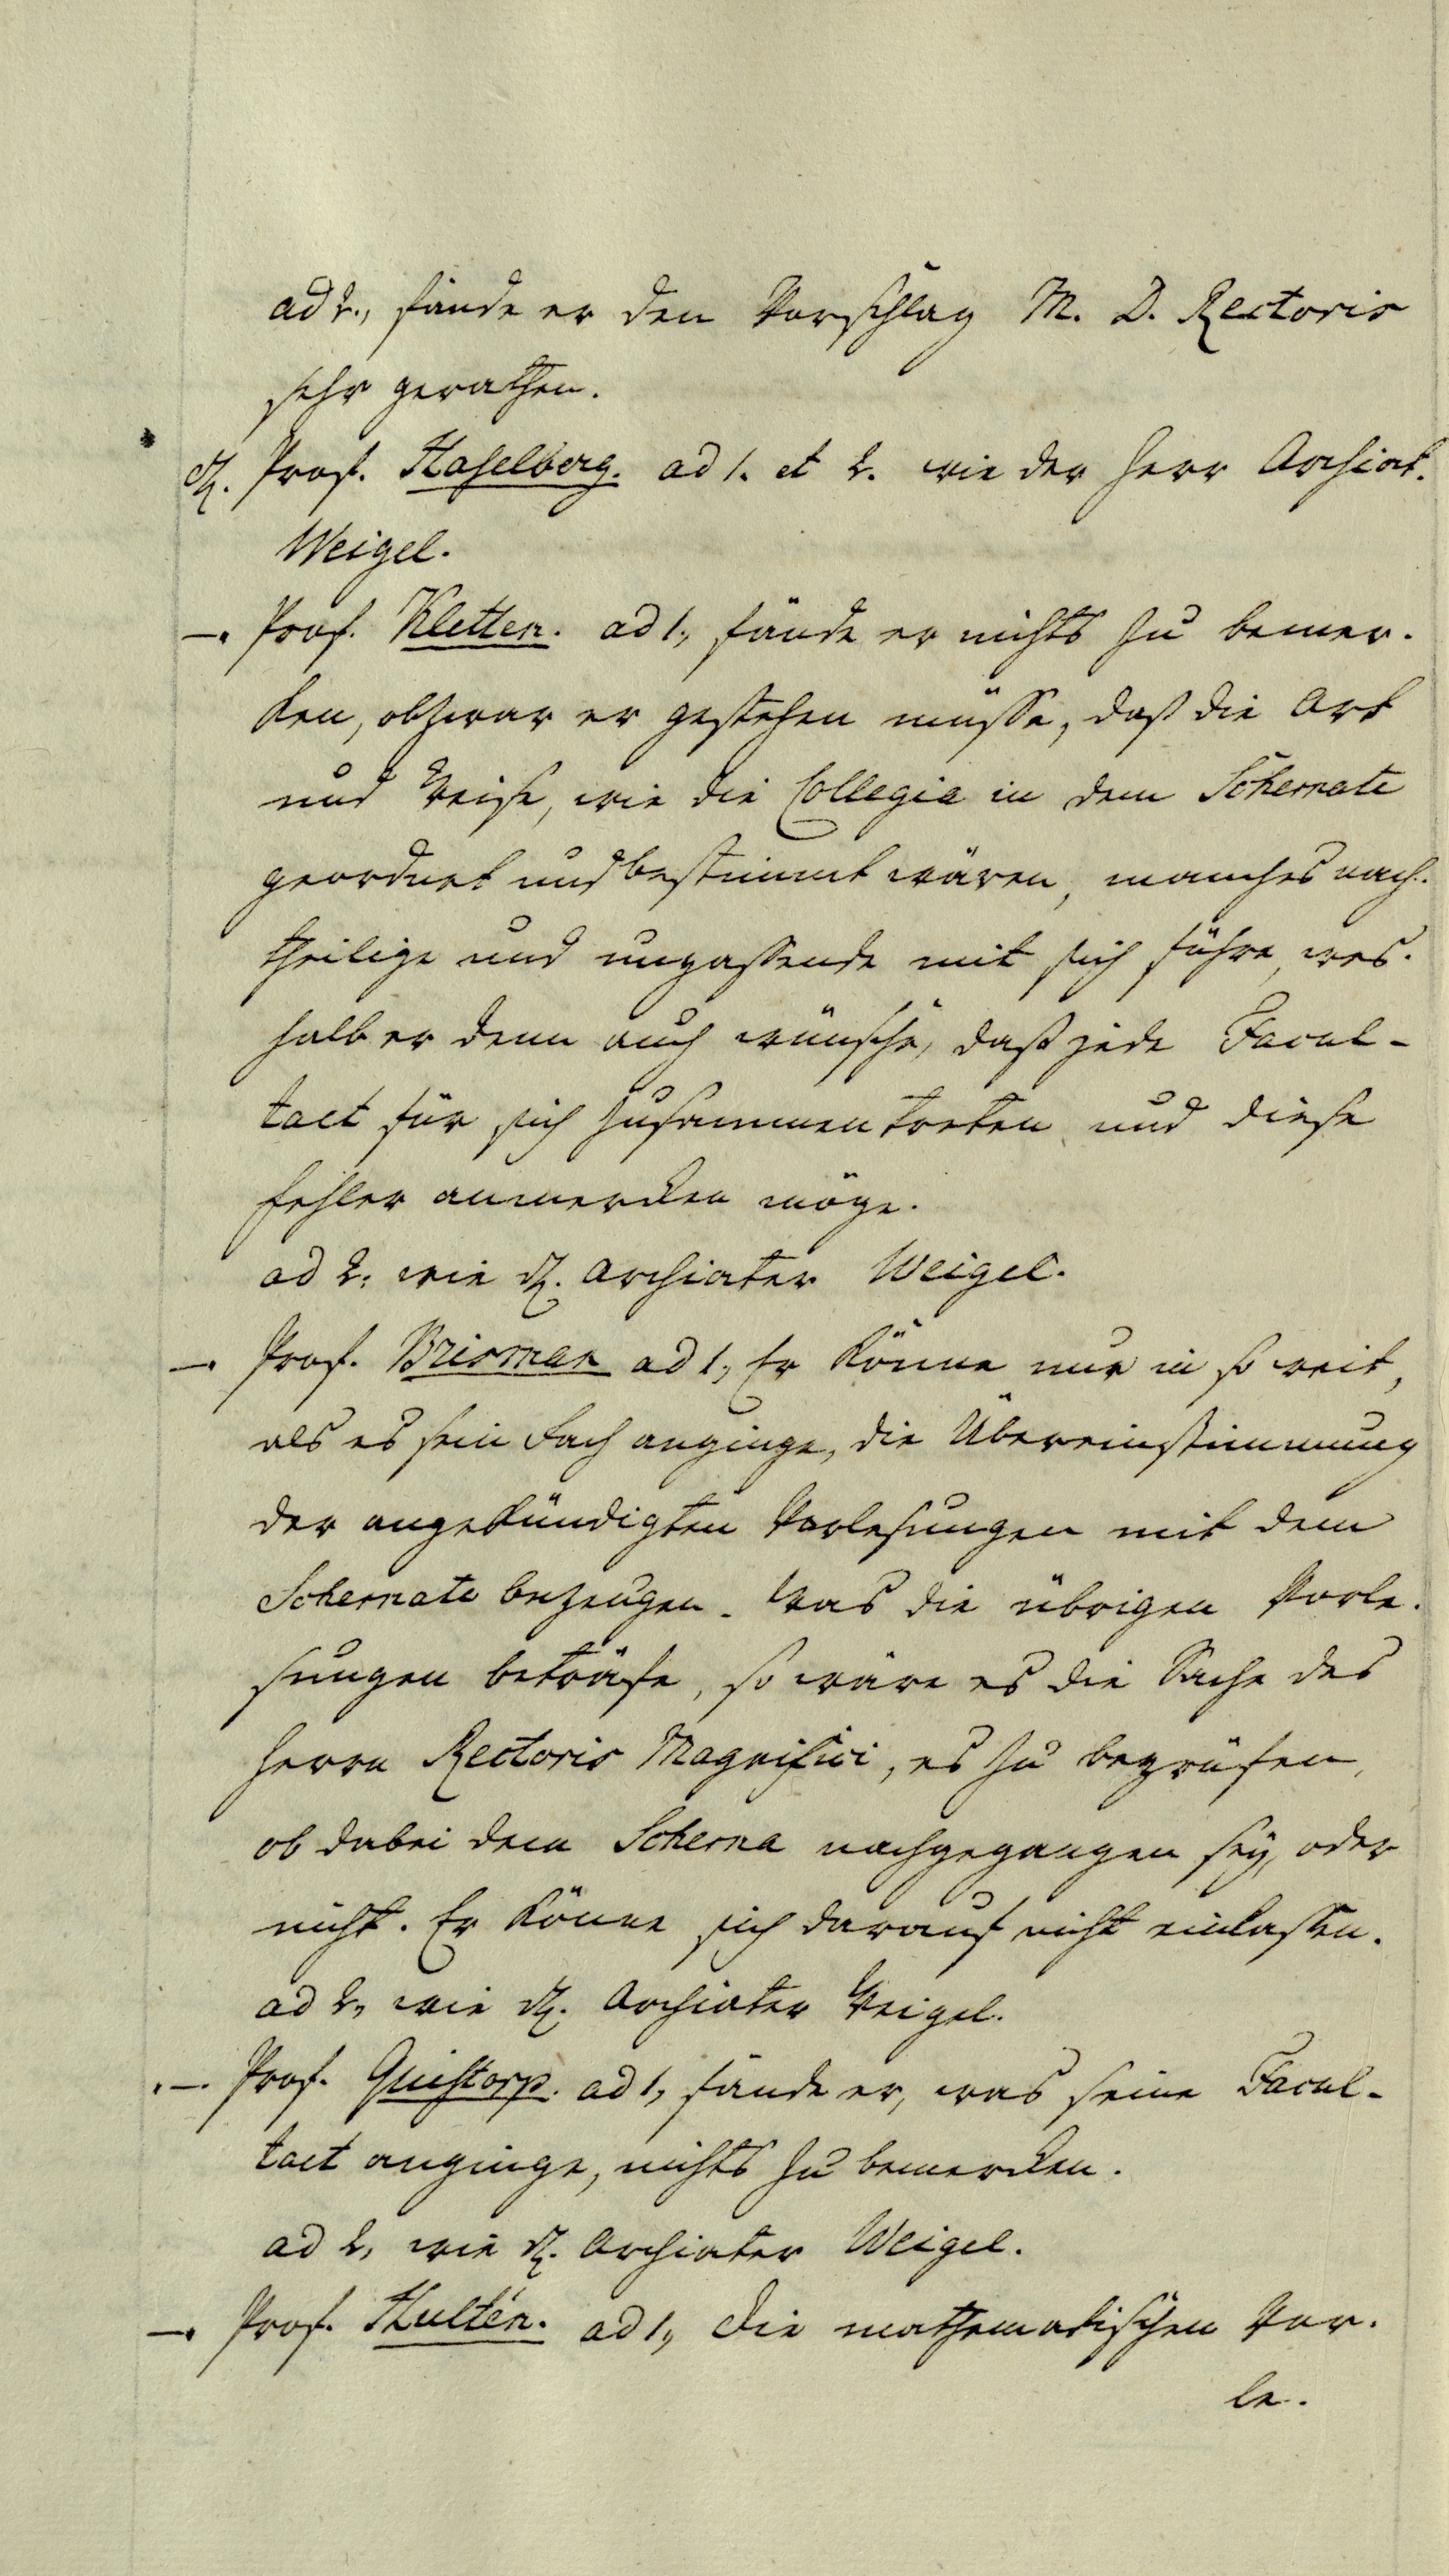ad 2., fände er den Vorschlag M. D. Rectoris
sehr gerathen.
dh. Prof. Haselberg. ad 1. et 2. wie der Herr Arhiat.
Weigel.
Prof. Kletten. ad 1. fände er nichts zu bemer¬
ken, obzwar er gestehen müsse, daß die Art
und Weise, wie die Collegia in dem Schemate
geordnet und bestimmt wären, manches nach¬
theilige und unpassende mit sich führe, wes¬
halb er denn auch wünsche, daß jede Facul¬
taet für sich zusammentreten und diese
Fehler anmercken möge.
ad 2. wie dh. Archiater Weigel.
Prof. Brisman. ad 1., Er könne nur in so weit,
als es sein Fach anginge, die Übereinstimmung
der angekündigten Vorlesungen mit dem
Schemate bezeugen. Was die übrigen Vorle¬
sungen beträfe, so wäre es die Sache des
Herrn Rectoris Magnifici, es zu beprüfen,
ob dabei dem Schema nachgegangen seÿ, oder
nicht. Er könne sich darauf nicht einlassen.
ad 2., wie dh. Archiater Weigel.
Prof. Quistorp. ad 1., fände er, was seine Facul¬
taet anginge, nichts zu bemercken.
ad 2, wie dh. Archiater Weigel.
Prof. Hultén. ad 1., Die mathematischen Vor¬
le¬